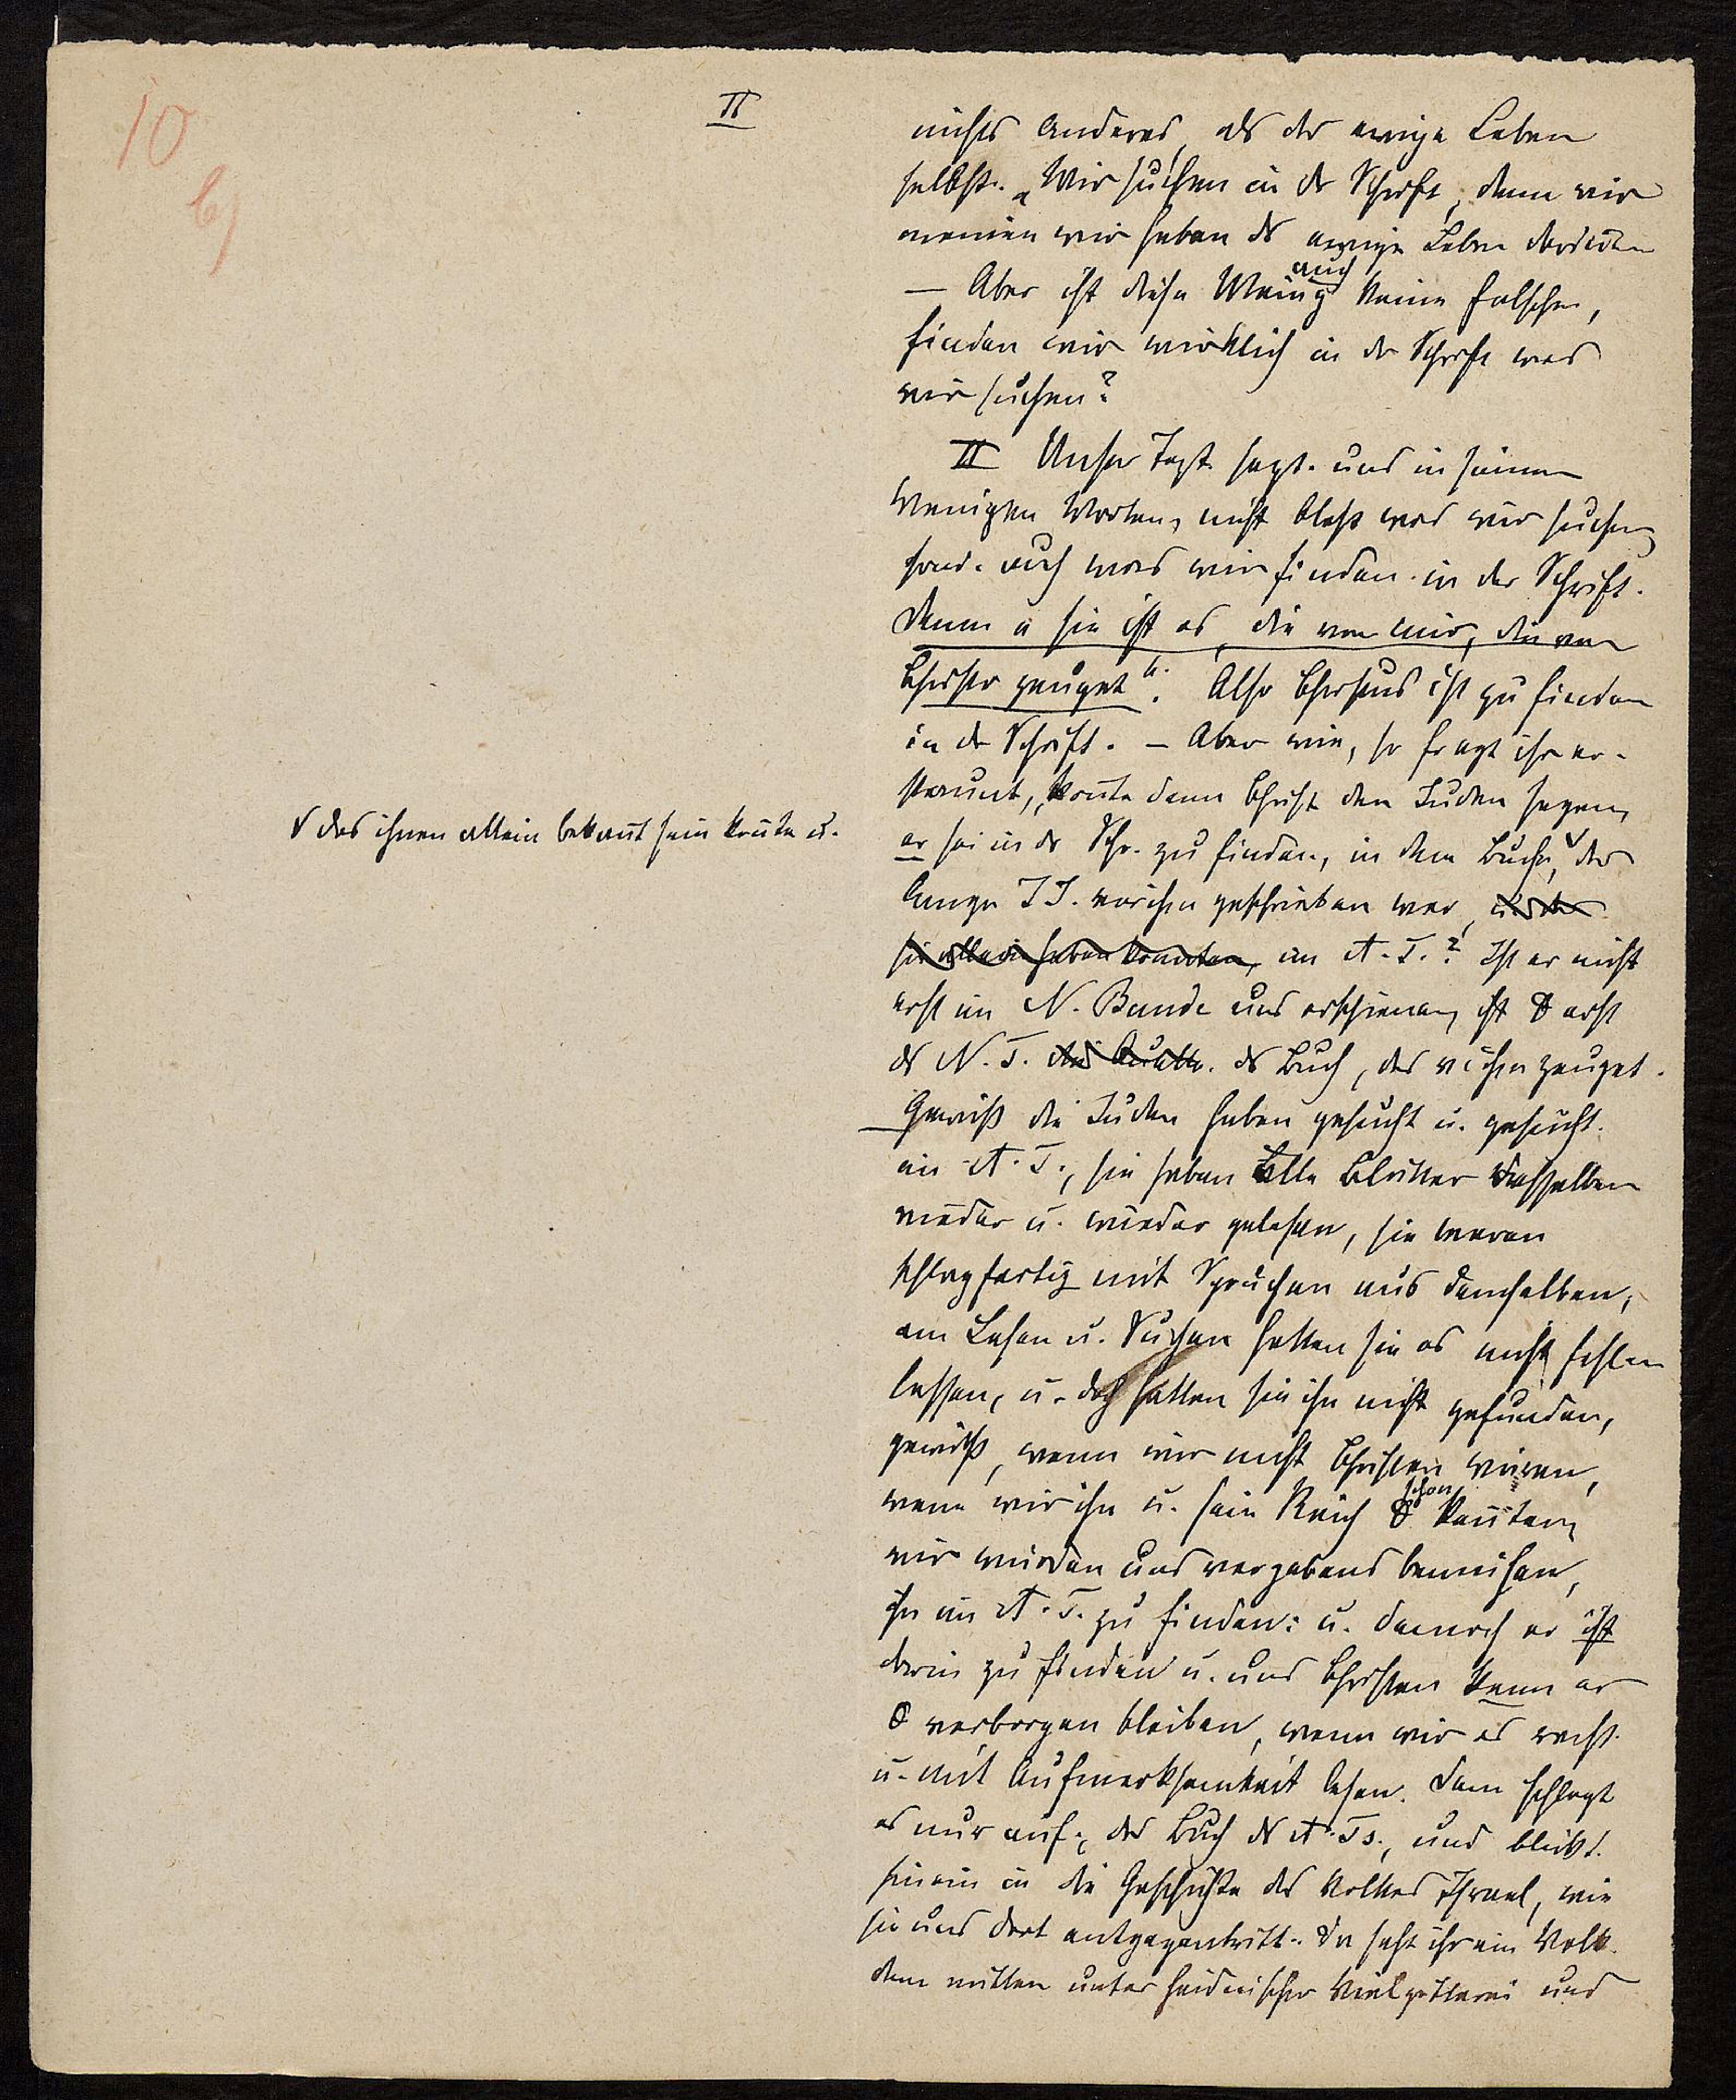II
V das ihnen allein bekant sein konte u.
nichts anderes, als ds ewige Leben
selbst. "Wir suchen in dr Schrift, denn wir
meinen wir seben ds ewige Leben darinen
auch
_ Aber ist diese Meing keine falschen,
finden wir wirklich in dr Schraft was
wir suchen?
II Unser Text sagt. uns in seinen
wenigen Worten, nicht bloß was wir suchen,
sond. auch was wir finden. in der Schrift.
Denn sie ist es, die von mir, die von
Christo zeuget." Also Christus ist zu finden
in dr Schrift._ Aber wie, so fragt ihr er¬
staunt, konte denn Christ den Juden sagen,
er sei der Schr. zu finden, in dem Buche, das
lange JJ. vor ihm geschrieben war, u. das
sie allein haben konnten, im A.T.? Ist er nicht
erst im N. Bunde uns erschienen, ist o erst
ds N.T. die Quelle. ds Buch, das v. ihm zeugt.
Gewiß die Juden haben gesucht u. gesucht.
ein A.T., sie haben alle Blätter dessellben
wieder u wieder gelesen, sie waren
schlagfertig mit Schrüchen aus demselben,
am Lesen u. Suchen hatten sie es nicht fehlen
lassen, u. doch hatten sie ihn nicht gefunden,
gewiß, wenn wir nicht Christen wären,
schon
wenn wir ihn u. sein Reich o kenten,
wir würden uns vergebens bemnühen,
ihn im A.T. zu finden: u. dennoch er ist
darin zu finden u. uns Christen kann er
o verborgen bleiben, wenn wir es recht
u. mit Aufmerksamkeit lesen. Denn schlagt
es nur auf; das Buch ds A.Ts. und blickt.
hinein in die Geschichte des Voltes Israel, wie
sie uns dort entgegentritt. Da seht ihr ein Volk
dem mitten unter heidnischer Vielgötterein und